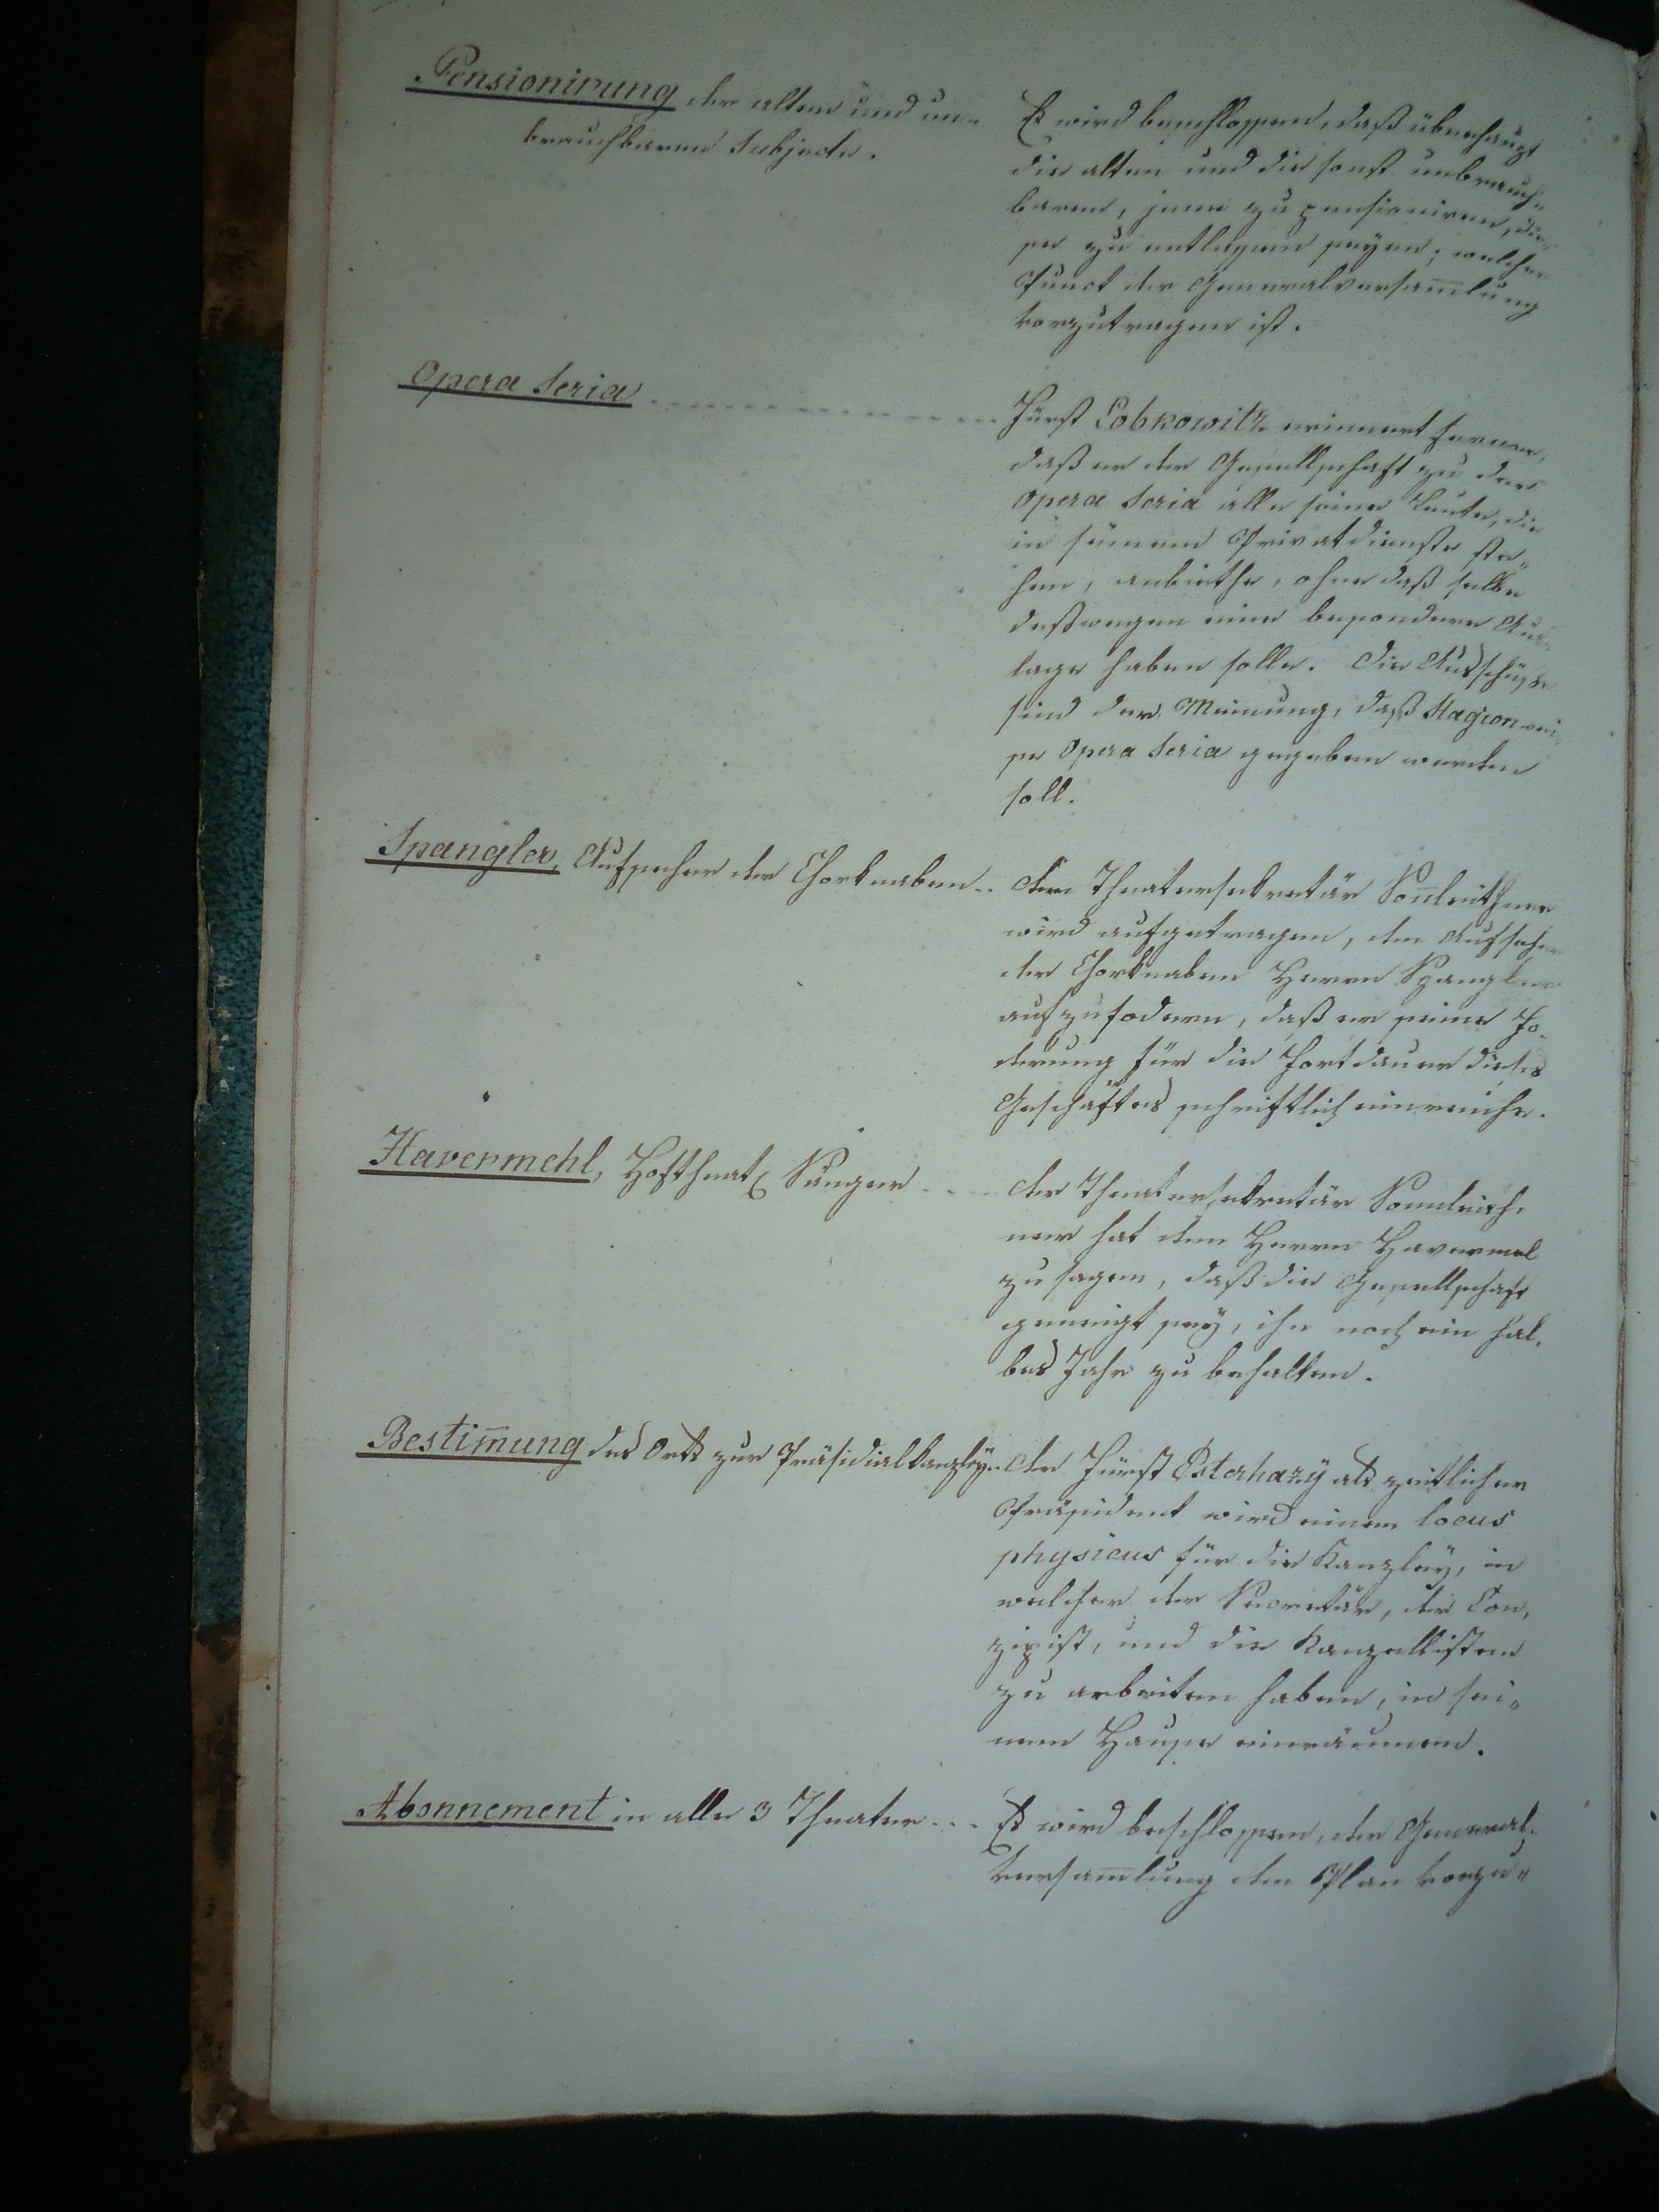Pensionirung der alten und un¬
brauchbaren Subjecte.
Es wird beschlossen, daß überhaupt
die alten und die sonst unbrauch¬
baren, jene zu pensioniren, die¬
se zu entlassen seyen; welcher
Punct der Generalversamlung
vorzutragen ist.
Opera Seria …………….. Fürst Lobkowitz erinnert ferner,
daß er der Gesellschaft zu der
Opera Seria alle seine Leute, die
in seinem Privatdienste ste¬
hen, anbiethe, ohne daß selbe
deßwegen eine besondere Aus¬
lage haben solle. Die Ausschüsse
sind der Meinung, daß Stagionwei¬
se Opera Seria gegeben werden
soll.
Spangler, Aufseher der Chorknaben .. Dem Theatersekretär Son̅leithner
wird aufgetragen, den Aufseher
der Chorknaben Herrn Spangler
aufzufordern, daß er seine Fo¬
derung für die Fortdauer dieses
Geschäftes schriftlich einreiche.
Havermehl, HoftheatE Sänger ….. Der Theatersekretär Sonnleith¬
ner hat dem Herrn Havermel
zu sagen, dass die Gesellschaft
geneigt sey, ihn noch ein hal¬
bes Jahr zu behalten.
Bestim̅ung des Orts zur Präsidialkanzley.. Der Fürst Esterhazy als zeitlicher
Präsident wird einen locus
physicus für die Kanzley, in
welcher der Secretär, der Con¬
zipist, und die Kanzellisten
zu arbeiten haben, in sei¬
nem Hause einräumen.
Abonnement in alle 3 Theater … Es wird beschlossen, der General¬
versam̅lung den Plan vorzu¬